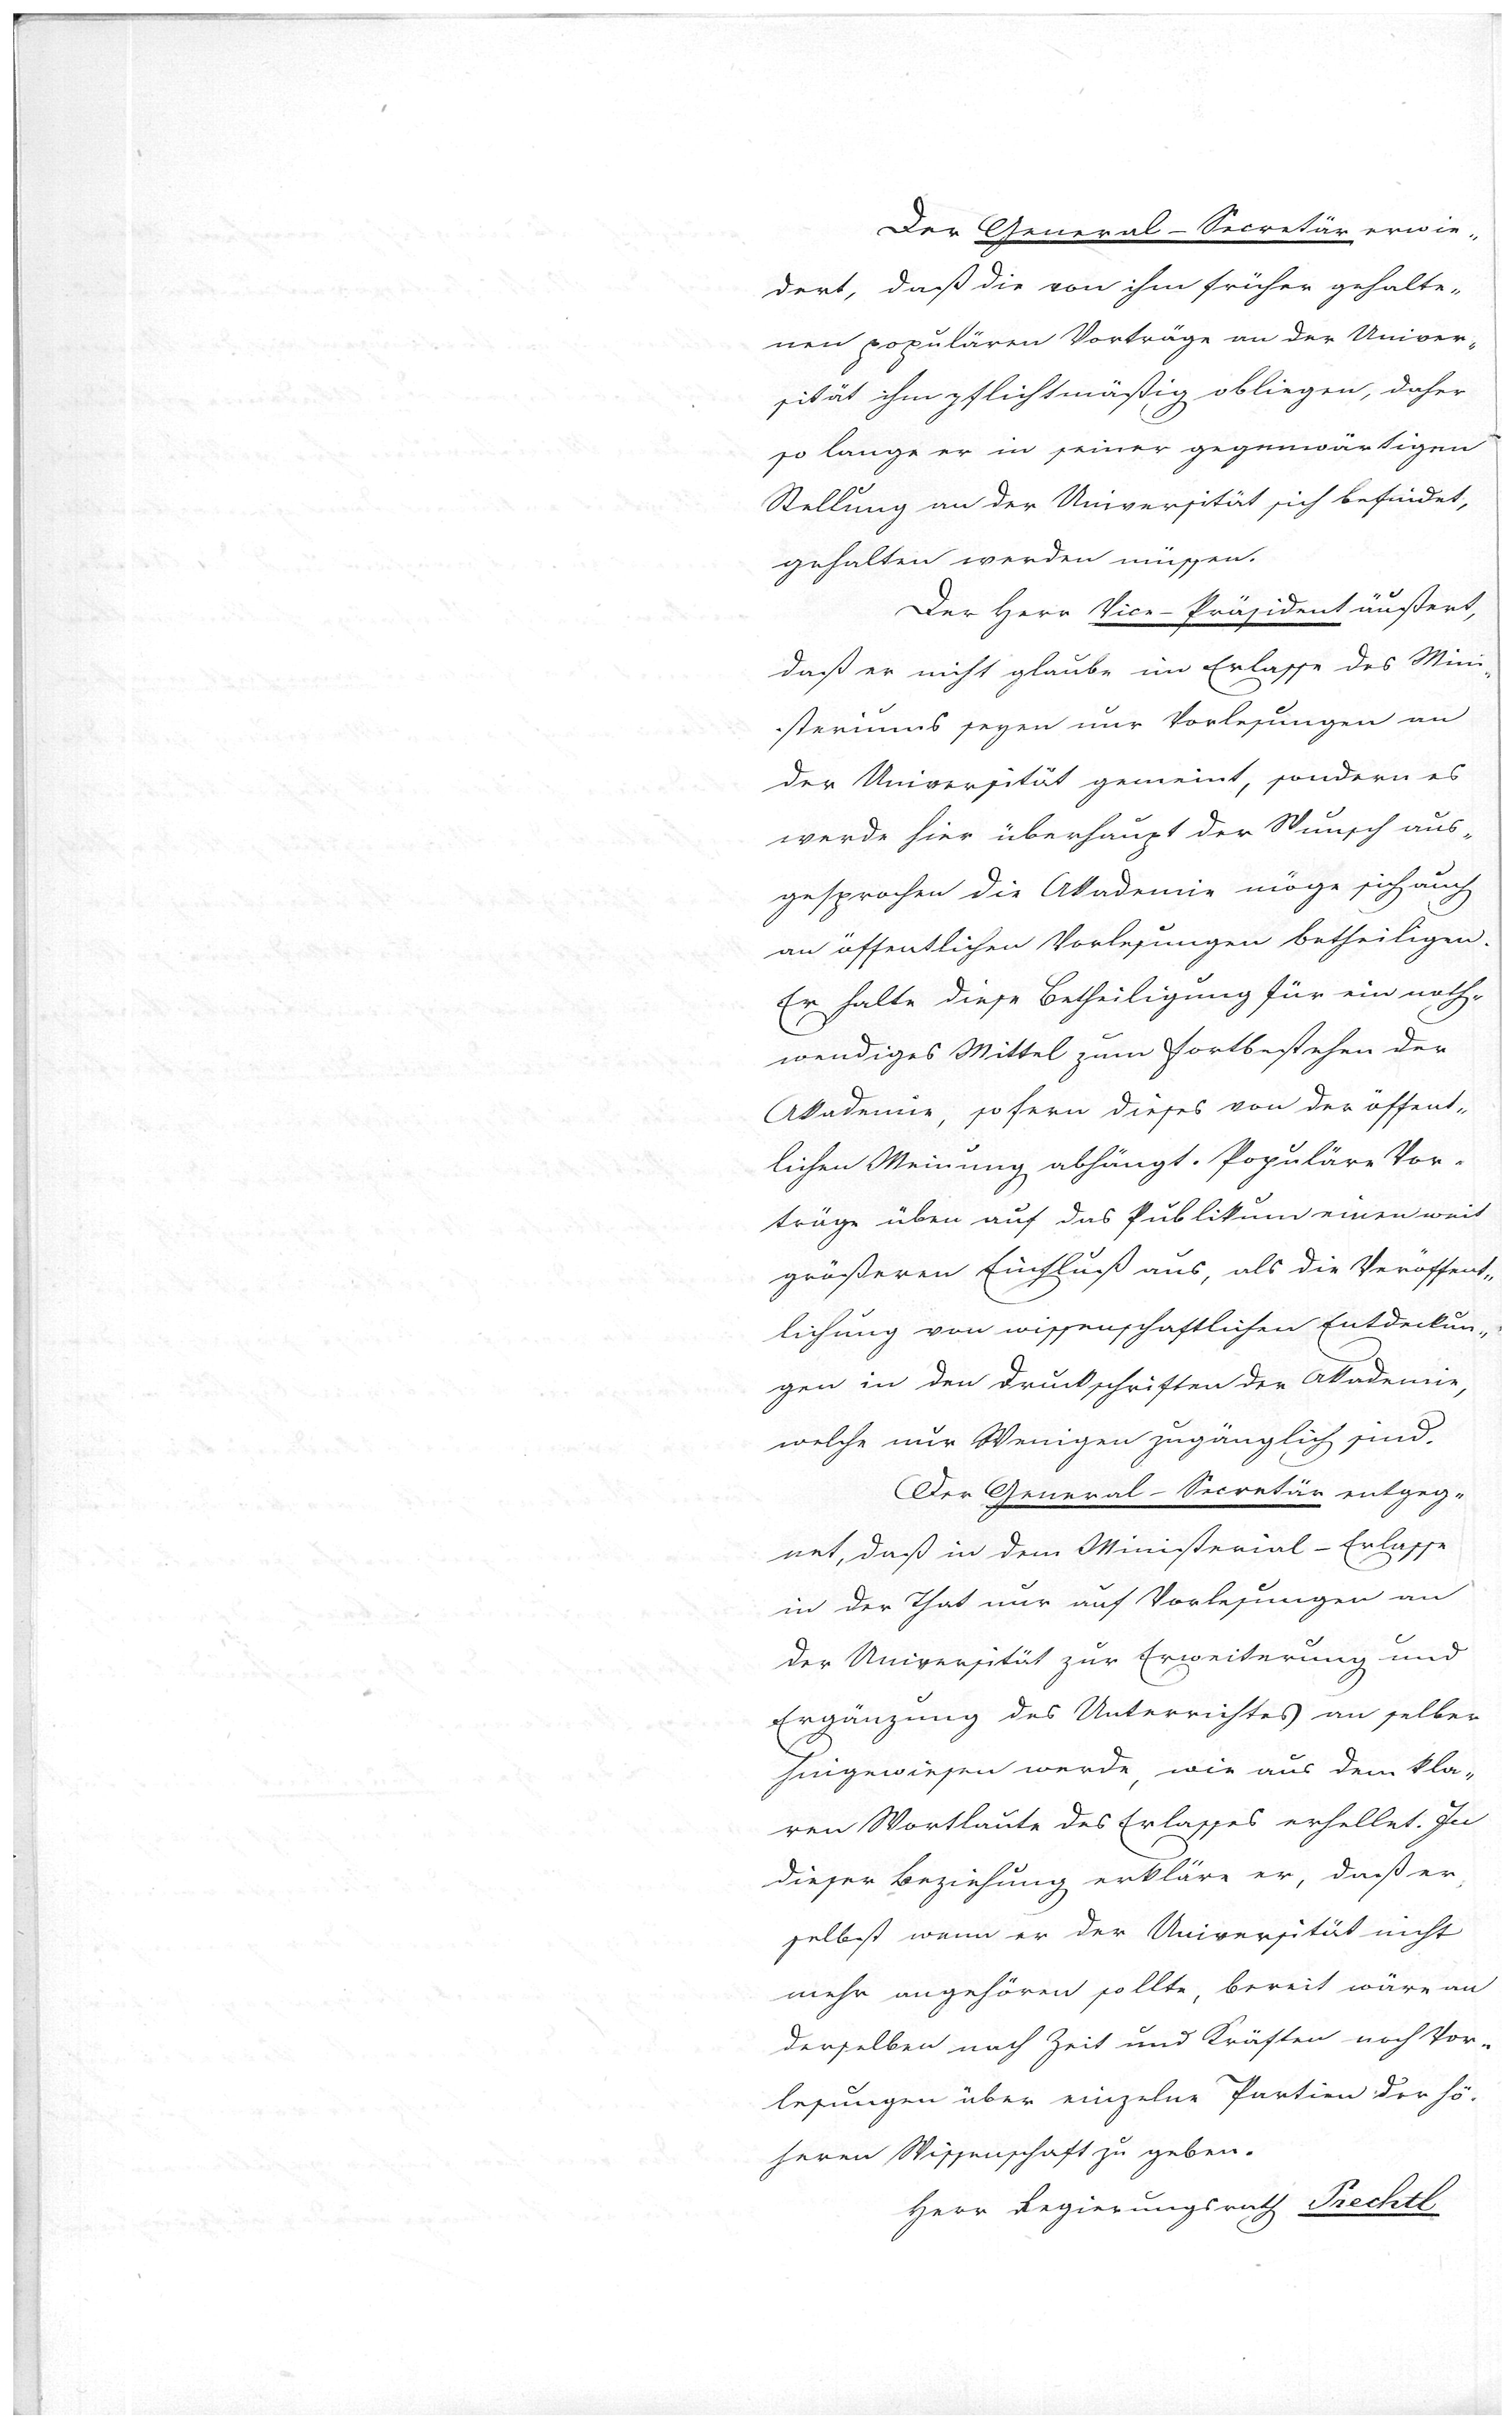Der General-Secretär erwie-
dert, daß die von ihm früher gehalte-
nen populären Vorträge an der Univer-
sität ihm pflichtmäßig obliegen, daher
so lange er in seiner gegenwärtigen
Stellung an der Universität sich befindet,
gehalten werden müssen.
Der Herr Vice-Präsident äußert,
daß er nicht glaube im Erlasse des Mini-
steriums seyen nur Vorlesungen an
der Universität gemeint, sondern es
werde hier überhaupt der Wunsch aus-
gesprochen die Akademie möge sich auch
an öffentlichen Vorlesungen betheiligen.
Er halte diese Betheiligung für ein noth-
wendiges Mittel zur Fortbestehen der
Akademie, sofern dieses von der öffent-
lichen Meinung abhängt. Populäre Vor-
träge üben auf das Publikum einen weit
größeren Einfluß aus, als die Veröffent-
lichung von wissenschaftlichen Entdeckun-
gen in den Druckschriften der Akademie,
welche nur Wenigen zugänglich sind.
Der General-Secretär entgeg-
net, daß in dem Ministerial-Erlasse
in der That nur auf Vorlesungen an
der Universität zur Erweiterung und
Ergänzung des Unterrichtes an selber
hingewiesen werde, wie aus dem kla-
ren Wortlaute des Erlasses erhellet. In
dieser Beziehung erkläre er, daß er
selbst wenn er der Universität nicht
mehr angehören sollte, bereit wäre an
derselben nach Zeit und Kräften noch Vor-
lesungen über einzelne Partien der hö-
heren Wissenschaft zu geben.
Herr Regierungsrath Prechtl